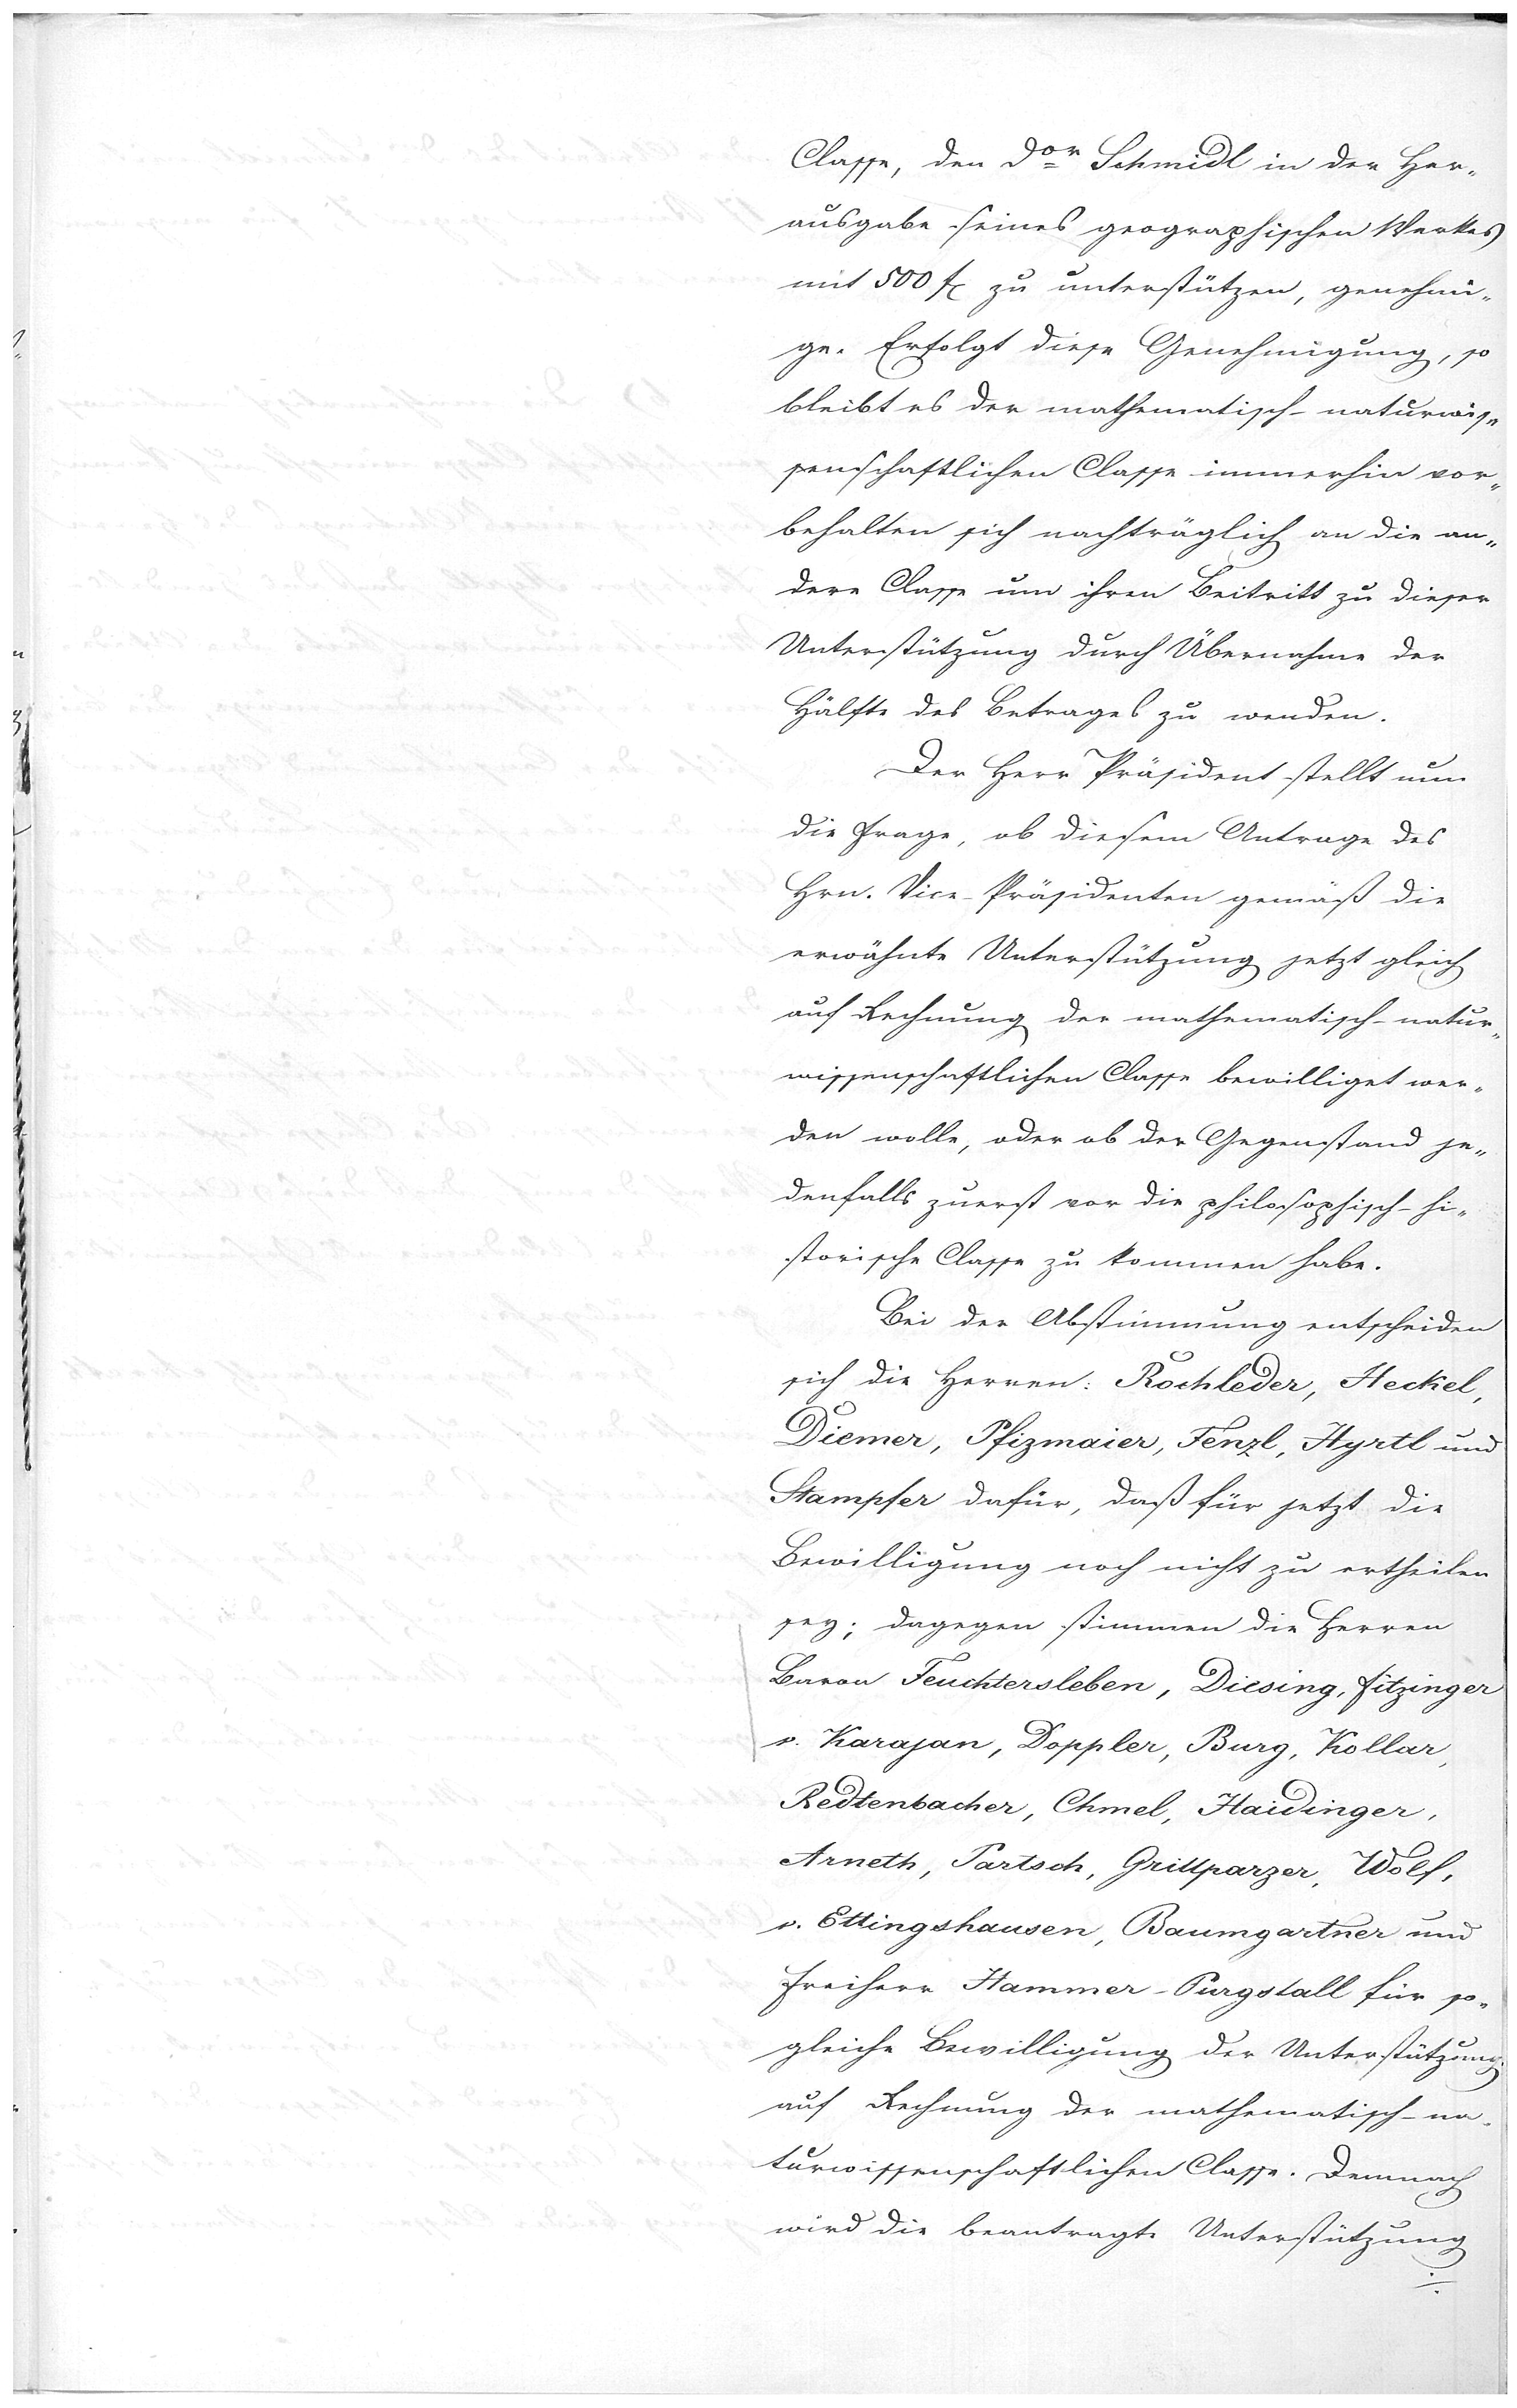Classe, den Dor Schmidl in der Her-
ausgabe seines geographischen Werkes
mit 500 fl zu unterstützen, genehmi-
gen. Erfolgt diese Genehmigung
bleibt es der mathematisch-naturwis-
senschaftlichen Classe immerhin vor-
behalten sich nachträglich an die an-
dere Classe um ihren Beitritt zu dieser
Unterstützung durch Übernahme der
Hälfte des Betrages zu wenden.
Der Herr Präsident stellt nun
die Frage, ob diesem Antrage des
Hrn. Vice-Präsidenten gemäß die
erwähnte Unterstützung jetzt gleich
auf Rechnung der mathematisch-natur-
wissenschaftlichen Classe bewilliget wer-
den wolle, oder ob der Gegenstand je-
denfalls zuerst vor die philosophisch-hi-
storische Classe zu kommen habe.
Bei der Abstimmung entscheiden
sich die Herren: Rochleder, Heckel,
Diemer, Pfizmaier, Fenzl, Hyrtl und
Stampfer dafür, daß für jetzt die
Bewilligung noch nicht zu ertheilen
sey; dagegen stimmen die Herren
Baron Feuchtersleben, Diesing, Fitzinger
v. Karajan, Doppler, Burg, Kollar,
Redtenbacher, Chmel, Haidinger,
Arneth, Partsch, Grillparzer, Wolf,
v. Ettingshausen, Baumgartner und
Freiherr Hammer-Purgstall für so-
gleiche Bewilligung der Unterstützung
auf Rechnung der mathematisch-na-
turwissenschaftlichen Classe. Demnach
wird die beantragte Unterstützung